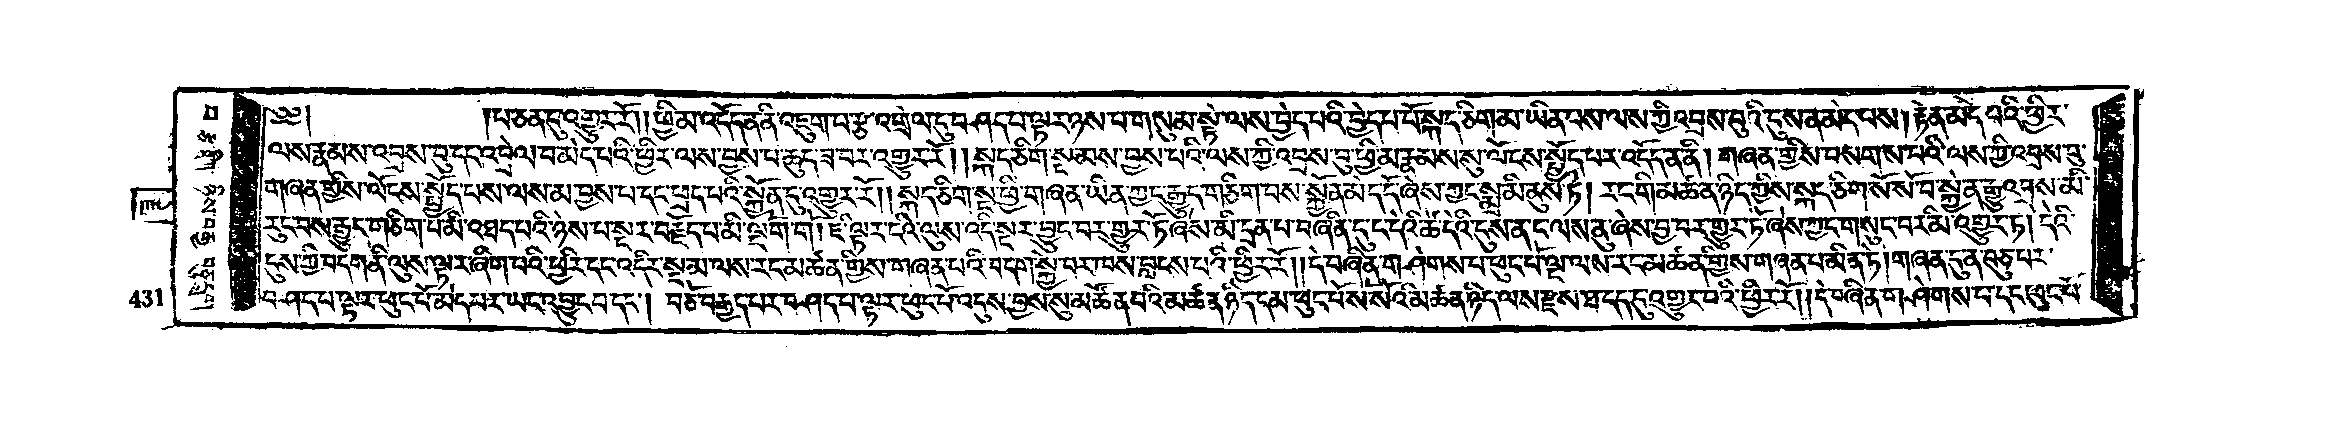༄༅། །པ་ཅན་དུ་འགྱུར་རོ། །ཕྱི་མ་འདོད་ན་ནི་འཇུག་པ་རྩ་འགྲེལ་དུ་བཤད་པ་ལྟར་ཉས་པ་གསུམ་སྟེ་ལས་བྱེད་པའི་བྱེད་པ་པོ་སྐད་ཅིག་མ་ཡིན་པས་ལས་ཀྱི་འབྲས་བུའི་དུས་ན་མེད་པས། རྟེན་མེད་པའི་ཕྱིར་
ལས་རྣམས་འབྲས་བུ་དང་འབྲེལ་བ་མེད་པའི་ཕྱིར་ལས་བྱས་པ་ཆུད་ཟ་བར་འགྱུར་རོ། །སྐད་ཅིག་སྔ་མས་བྱས་པའི་ལས་ཀྱི་འབྲས་བུ་ཕྱི་མ་རྣམས་སུ་ལོངས་སྤྱོད་པར་འདོད་ན་ནི། གཞན་གྱིས་བསགས་པའི་ལས་ཀྱི་འབྲས་བུ་
གཞན་གྱིས་ལོངས་སྤྱོད་པས་ལས་མ་བྱས་པ་དང་ཕྲད་པའི་སྐྱོན་དུ་འགྱུར་རོ། །སྐད་ཅིག་སྔ་ཕྱི་གཞན་ཡིན་ཀྱང་རྒྱུད་གཅིག་པས་སྐྱོན་མེད་དོ་ཞེས་ཀྱང་སྨྲ་མི་ནུས་ཏེ། རང་གི་མཚན་ཉིད་ཀྱིས་སྐད་ཅིག་སོ་སོ་བ་སྐྱེ་ན་རྒྱུ་འབྲས་མི་
རུང་བས་རྒྱུད་གཅིག་པ་མི་འཐད་པའི་ཉེས་པ་སྔར་བརྗོད་པ་མི་ལྡོག་གོ། ཇི་ལྟར་བའི་ལུས་འདི་སྔར་བྱུང་བར་གྱུར་ཏོ་ཞེས་མི་དྲན་པ་བཞིན་དུ་ང་དེའི་ཚེ་དེའི་དུས་ན་ང་ལས་ནུ་ཞེས་བྱ་བར་གྱུར་ཏོ་ཞེས་ཀྱང་གསུང་བར་མི་འགྱུར་ཏེ། དེའི་
དུས་ཀྱི་བདག་ནི་ལུས་ལྟར་ཞིག་པའི་ཕྱིར་དང་འདིར་སྔ་མ་ལས་རང་མཚན་གྱིས་གཞན་པའི་བདག་སྐྱེ་བར་ཁས་བླངས་པའི་ཕྱིར་རོ། །དེ་བཞིན་གཤེགས་པ་ཕུང་པོ་ལྔ་ལས་རང་མཚན་གྱིས་གཞན་པ་མིན་ཏེ། གཞན་དུ་ན་བཅུ་པར་
བཤད་པ་ལྟར་ཕུང་པོ་མེད་པར་ཡང་འབྱུང་བ་དང་། བཅོ་བརྒྱད་པར་བཤད་པ་ལྟར་ཕུང་པོ་འདུས་བྱས་སུ་མཚོན་པའི་མཚན་ཉིད་དམ་ཕུང་པོ་སོ་སོའི་མཚན་ཉིད་ལས་རྫས་ཐ་དད་དུ་འགྱུར་བའི་ཕྱིར་རོ། །དེ་བཞིན་གཤེགས་པ་དང་ཕུང་པོ་